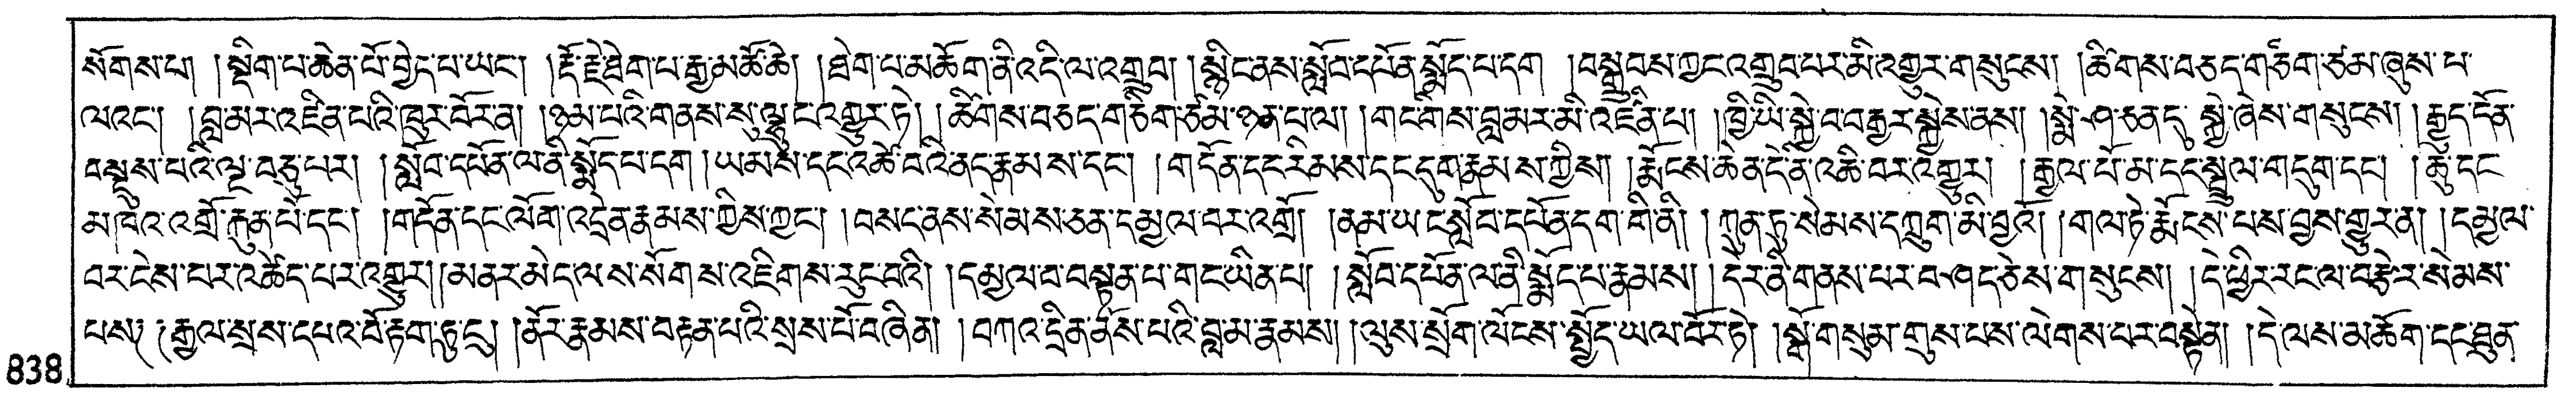སོགས་པ། །སྡིག་པ་ཆེན་པོ་བྱེད་པ་ཡང་། །རྡོ་རྗེ་ཐེག་པ་རྒྱ་མཚོ་ཆེ། །ཐེག་པ་མཆོག་ནི་འདི་ལ་འགྲུབ། །སྙིང་ནས་སློབ་དཔོན་སྨོད་པ་དག །བསྒྲུབས་ཀྱང་འགྲུབ་པར་མི་འགྱུར་གསུངས། །ཚིགས་བཅད་གཅིག་ཙམ་ཞུས་པ་
ལའང་། །བླ་མར་འཛིན་པའི་ཁུར་བོར་ན། །ཉམ་པའི་གནས་སུ་ལྷུང་འགྱུར་ཏེ། །ཚིགས་བཅད་གཅིག་ཙམ་ཉན་པ་ལ། །གང་གིས་བླ་མར་མི་འཛིན་པ། །ཁྱི་ཡི་སྐྱེ་བ་བརྒྱར་སྐྱེས་ནས། །སྨེ་ཤ་ཅན་དུ་སྐྱེ་ཞེས་གསུངས། །རྒྱུད་དོན་
བསྡུས་པའི་ལྔ་བཅུ་པར། །སློབ་དཔོན་ལ་ནི་སྨོད་པ་དག །ཡམས་དང་འཚེ་བའི་ནད་རྣམས་དང་། །གདོན་དང་རིམས་དང་དུག་རྣམས་ཀྱིས། །རྨོངས་ཆེན་དེ་ནི་འཆི་བར་འགྱུར། །རྒྱལ་པོ་མ་དང་སྦྲུལ་གདུག་དང་། །ཆུ་དང་
མཁའ་འགྲོ་རྐུན་པོ་དང་། །གདོན་དང་ལོག་འདྲེན་རྣམས་ཀྱིས་ཀྱང་། །བསད་ནས་སེམས་ཅན་དམྱལ་བར་འགྲོ། །ནམ་ཡང་སློབ་དཔོན་དག་གི་ནི། །ཀུན་ཏུ་སེམས་དཀྲུག་མི་བྱའོ། །གལ་ཏེ་རྨོངས་པས་བྱས་གྱུར་ན། །དམྱལ་
བར་ངེས་པར་འཚེད་པར་འགྱུར། །མནར་མེད་ལས་སོགས་འཇིགས་རུང་བའི། །དམྱལ་བ་བསྟན་པ་གང་ཡིན་པ། །སློབ་དཔོན་ལ་ནི་སྨོད་པ་རྣམས། །དེར་ནི་གནས་པར་བཤད་ཅེས་གསུངས། །དེ་ཕྱིར་རང་ལ་བརྩེར་སེམས་
པས༑ ༑རྒྱལ་སྲས་དཔའ་བོ་རྟག་ཏུ་ངུ། །ནོར་རྣམས་བརྟན་པའི་སྲས་པོ་བཞིན། །བཀའ་དྲིན་ནོས་པའི་བླ་མ་རྣམས། །ལུས་སྲོག་ལོངས་སྤྱོད་ཡལ་བོར་ཏེ། །སྒོ་གསུམ་གུས་པས་ལེགས་པར་བསྟེན། །དེ་ལས་མཆོག་དང་ཐུན་